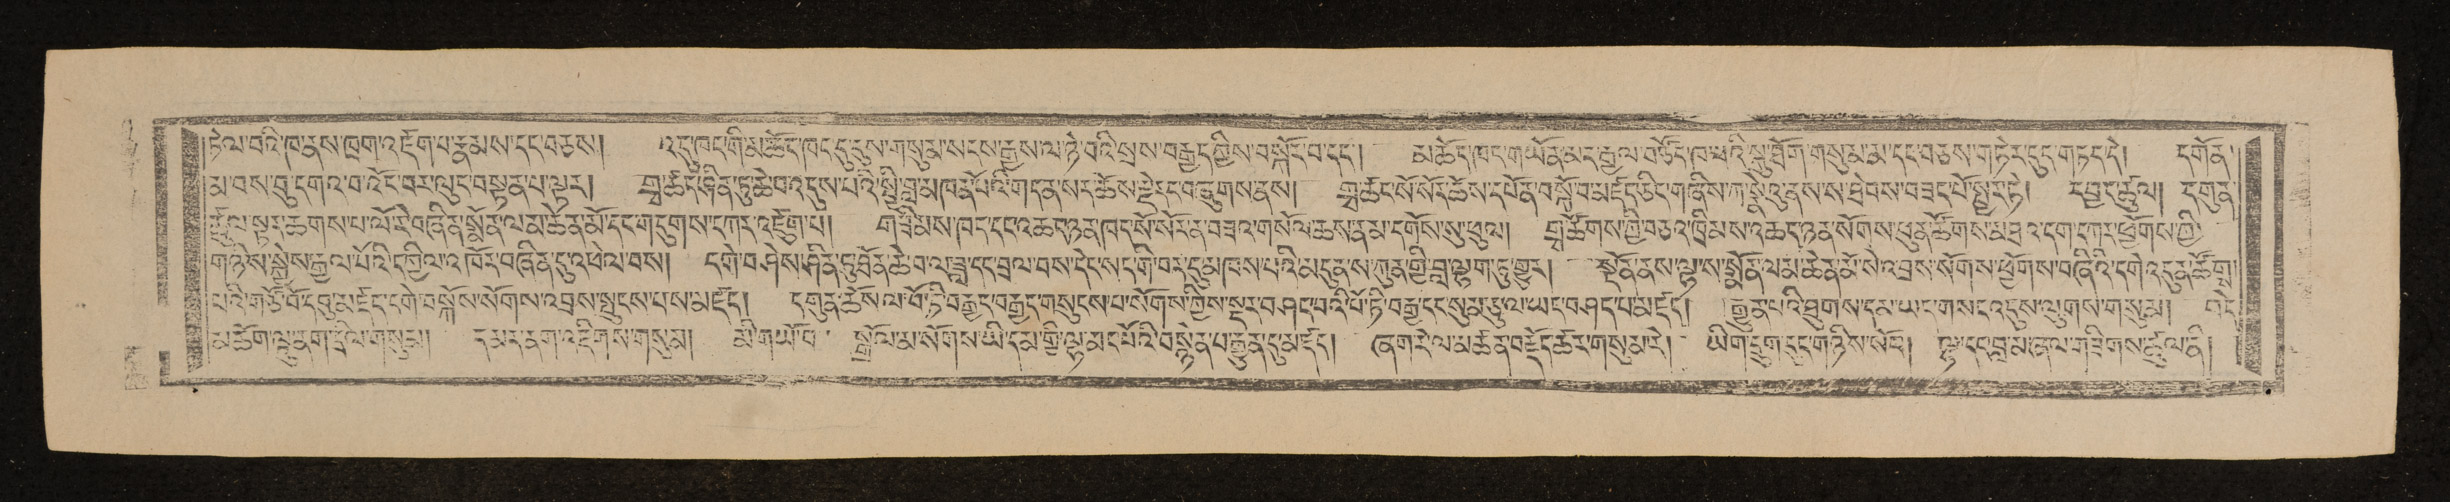ཏེལ་བའི་ཁ་ནས་ཁྲག་འཛག་པ་རྣམས་དང་བཅས། འདུ་ཁང་གི་མཆོད་ཁང་དུ་དུས་གསུམ་སངས་རྒྱས་ལ་ཉེ་བའི་སྲས་བརྒྱད་ཀྱིས་བསྐོར་བ་དང་། མཆོད་ཁང་གཡོན་མར་རྒྱལ་བ་ཙོང་ཁ་པའི་སྐུ་ཐོག་གསུམ་མ་དང་བཅས་གཏེར་དུང་གཏད་དེ། དགོན་
མ་བས་བུ་དགའ་བ་འོང་བར་ལུང་བསྟན་པ་ལྟར། གྲྭ་ཚང་ཤིན་ཏུ་ཆེ་བ་འདུས་པའི་སྤྱི་བླ་མཁན་པོའི་གདན་སར་ཆོས་རྗེ་རང་བཞུགས་ནས། གྲྭ་ཚང་སོ་སོར་ཆོས་དཔོན་བསྐོ་བ་མཛད་ཅིང་གཞིས་ཀ་སྣེའུ་ནས་ས་ཐེབས་བཟང་པོ་སྦྱར་ཏེ། དབྱར་ཚུལ། དགུན་
ཚུལ་སྟར་ཆགས་པ་ལོ་རེ་བཞིན་སྨོན་ལམ་ཆེན་མོ་དང་གདུགས་དཀར་འཛུག་པ། གཟིམས་ཁང་དང་འཆད་ཉན་ཁང་སོ་སོར་ན་བཟའ་གསོལ་ཆས་ནམ་དགོས་སུ་ཕུལ། གྲྭ་ཚོགས་ཀྱི་བཅའ་ཁྲིམས་འཆད་ཉན་སོགས་ཕུན་ཚོགས་མཐའ་དག་དཀར་ཕྱོགས་ཀྱི་
གཉིས་སྐྱེས་རྒྱལ་པོའི་དཀྱིལ་འཁོར་བཞིན་དུ་འཕེལ་བས། དགེ་བཤེས་ཤིན་ཏུ་ཐོན་ཆེ་བ་ལ་ཟླ་དང་བྲལ་བས་དེང་སང་གི་བར་དུ་མཁས་པའི་མདུན་ས་ཀུན་གྱི་བླ་ལྷག་ཏུ་གྱུར། སྔོན་ནས་ལྷ་ས་སྨོན་ལམ་ཆེན་མོ་སེ་འབྲས་སོགས་ཕྱོགས་བཞིའི་དགེ་འདུན་ཚོགས་
པའི་གཙོ་བོ་དབུ་མཛད་དགེ་བསྐོས་སོགས་འབྲས་སྤུངས་པས་མཛད། དགུན་ཆོས་ལ་པོ་ཏི་བརྒྱད་བརྒྱད་གསུངས་པ་སོགས་ཀྱིས་སྔར་བཤད་པའི་པོ་ཏི་བརྒྱ་དང་སུམ་ཅུ་ལ་ཡང་བཤད་པ་མཛད། རྒྱུན་པའི་ཐུགས་དམ་ཡང་གསང་འདུས་ལུགས་གསུམ། བདེ་
མཆོག་ལཱུ་ནག་དྲིལ་གསུམ། དམར་ནག་འཇིགས་གསུམ། མི་གཡོ་བ། སྒྲོལ་མ་སོགས་ཡི་དམ་གྱི་ལྷ་མང་པོའི་བསྙེན་བརྒྱུན་དུ་མཛད། ཞག་རེ་ལ་མཚན་བརྗོད་ཚར་གསུམ་རེ། ཡིག་དྲུག་དུང་གཉིས་སོང་། ལྷ་དང་བླ་མ་ཞལ་གཟིགས་ཚུལ་ནི།